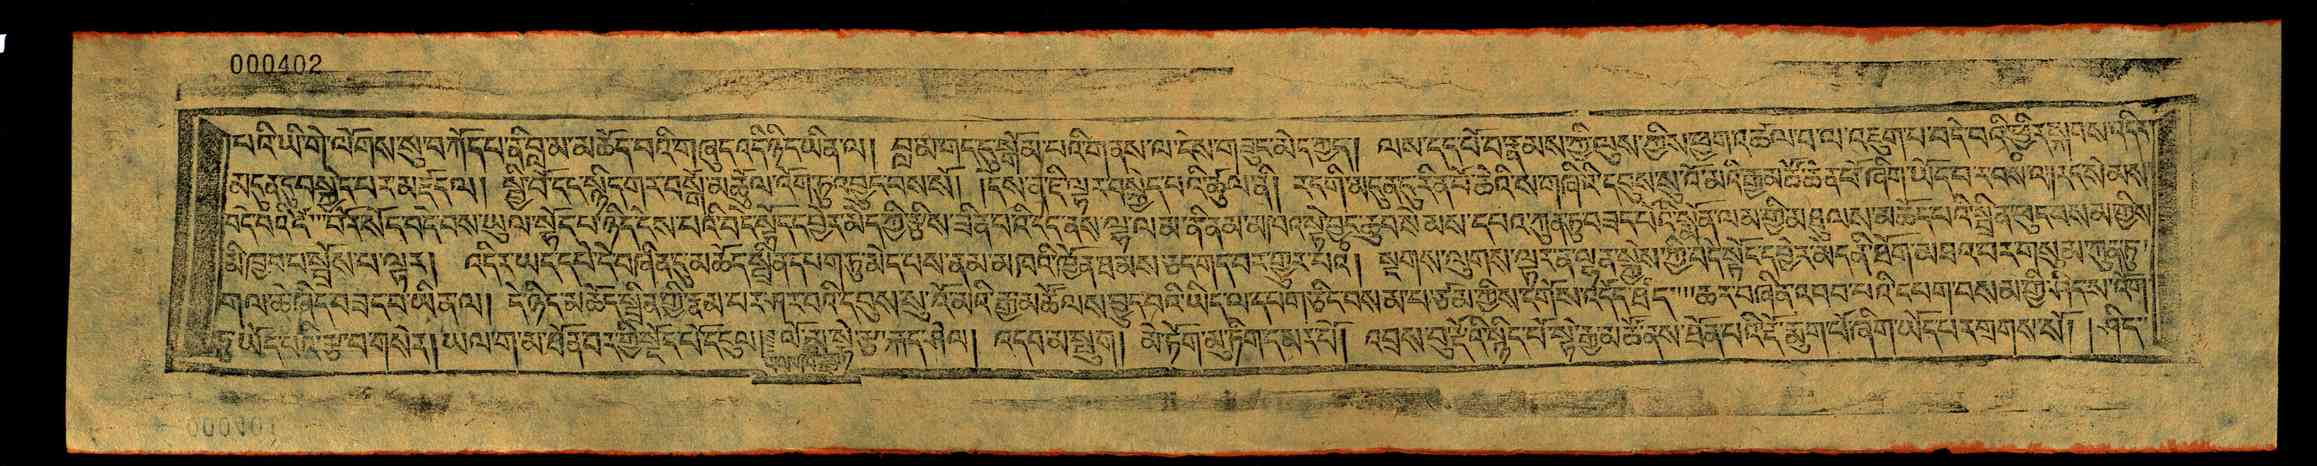པའི་ཡི་གེ་ལོགས་སུ་བཀོད་པ་ནི་བླ་མ་མཆོད་པའི་གཞུང་འདི་ཉིད་ཡིན་ལ། བླ་མ་གང་དུ་སྒོམ་པའི་གནས་ལ་ངེས་གཟུང་མེད་ཀྱང་། ལས་དང་པོ་བ་རྣམས་ཀྱི་ལུས་ཀྱིས་ཕྱག་འཚལ་བ་ལ་འཇུག་པ་བདེ་བའི་ཕྱིར་སྐབས་འདིར་
མདུན་དུ་བསྐྱེད་པར་མཛད་ལ། སྤྱི་བོ་དང་སྙིང་གར་བསྒོམ་ཚུལ་འོག་ཏུ་འབྱུང་བས་སོ། །དེས་ན་ཇི་ལྟར་བསྐྱེད་པའི་ཚུལ་ནི། རང་གི་མདུན་དུ་རིན་པོ་ཆེའི་ས་གཞིའི་དབུས་སུ་འོ་མའི་རྒྱ་མཚོ་ཆེན་པོ་ཞིག་ཡོད་པར་བསཾ་ལ། རང་སེམས་
བདེ་བའི་ངོ་བོར་སོང་བདེ་བས་ཡུལ་སྟོང་པ་ཉིད་ངེས་པའི་བདེ་སྟོང་དབྱེར་མེད་ཀྱི་རྩིས་ཟིན་པའི་ངང་ནས་ལྷ་ལམ་ནི་ནམ་མཁའ་སྟེ་བྱང་ཆུབ་སེམས་དཔའ་ཀུན་ཏུ་བཟང་པོའི་སྨོན་ལམ་གྱི་མཐུ་ལས་མཆོད་པའི་སྤྲིན་ཕུང་བསམ་གྱིས་
མི་ཁྱབ་པ་སྤྲོས་པ་ལྟར། འདིར་ཡང་དཔེ་དེ་བཞིན་དུ་མཆོད་སྤྲིན་དཔག་ཏུ་མེད་པས་ནམ་མཁའི་ཁྱོན་ཐམས་ཅད་གང་བར་གྱུར་པའི། སྔགས་ལུགས་ལྟར་ན་ལྷན་སྐྱེས་ཀྱི་བདེ་སྟོང་དབྱེར་མེད་ནི་ཐོག་མཐའ་བར་གསུམ་ཀུན་ཏུ་
གལ་ཆེ་ཞིང་བཟང་བ་ཡིན་ལ། དེ་ཉིད་མཆོད་སྤྲིན་གྱི་རྣམ་པར་ཤར་བའི་དབུས་སུ་འོ་མའི་རྒྱ་མཚོ་ལས་བྱུང་བའི་ཡིད་ལ་དཔག་ཅིང་བསམ་པ་ཙམ་གྱིས་དགོས་འདོད་ཐམས་ཅད་ཆར་བཞིན་འབབ་པའི་དཔག་བསམ་གྱི་ཤིང་ས་འོག་
ཏུ་ཡོད་པའི་རྩ་བ་གསེར། ཡལ་ག་མ་ཐོན་བར་གྱི་སྡོང་པོ་དངུལ། །ཡལ་ག་བཻཌཱུརྱ།ལོ་མ་སྟེ་རྩ་རྐང་ཤེལ། འདབ་མ་སྤུག། མེ་ཏོག་མུ་ཏིག་དམར་པོ། འབྲས་བུ་རྡོའིསྙིང་པོ་སྟེ་རྒྱ་མཚོ་ནས་ཐོན་པའི་རྡོ་རྨུགྤོ་ཞིག་ཡོད་པར་གྲགས་སོ། །ཤིང་